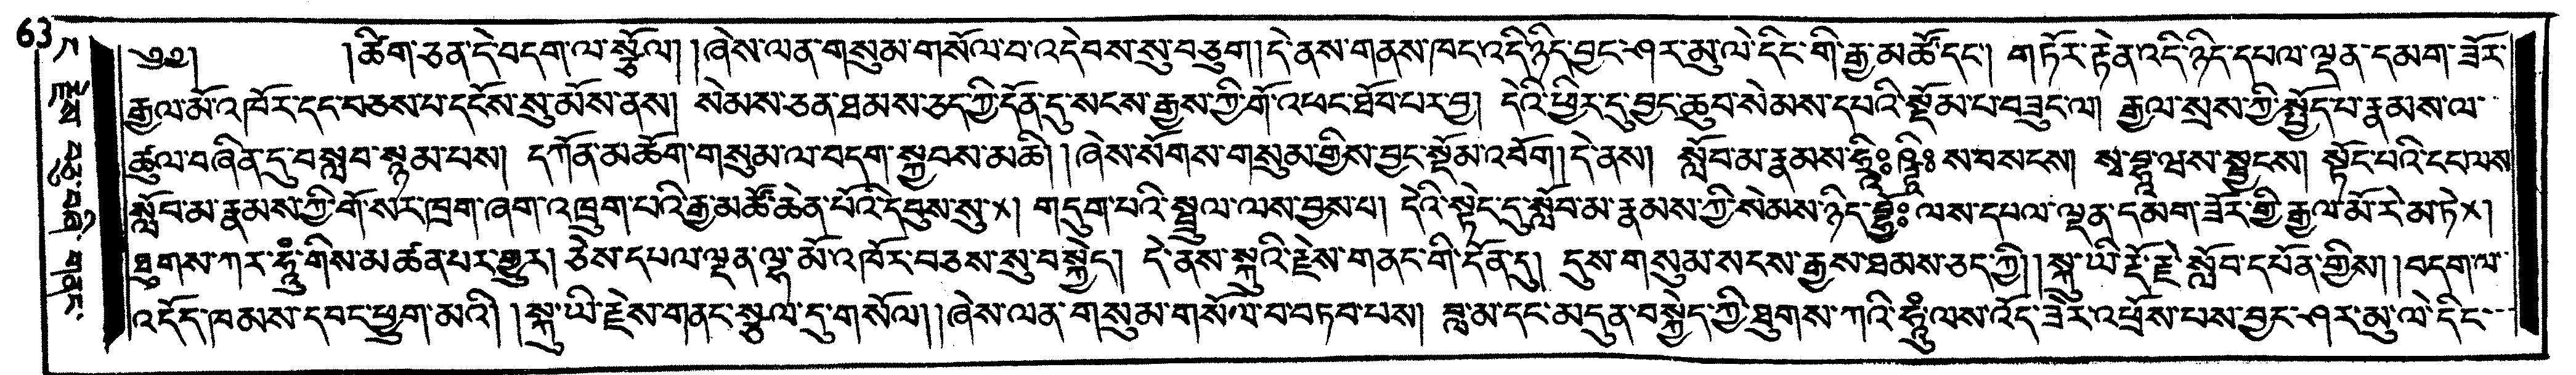༄༅། །ཚིག་ཅན་དེ་བདག་ལ་སྩོལ། །ཞེས་ལན་གསུམ་གསོལ་བ་འདེབས་སུ་བཅུག །དེ་ནས་གནས་ཁང་འདི་ཉིད་བྱང་ཤར་མུ་ལེ་དིང་གི་རྒྱ་མཚོ་དང་། གཏོར་རྟེན་འདི་ཉིད་དཔལ་ལྡན་དམག་ཟོར་
རྒྱལ་མོ་འཁོར་དང་བཅས་པ་དངོས་སུ་མོས་ནས། སེམས་ཅན་ཐམས་ཅད་ཀྱི་དོན་དུ་སངས་རྒྱས་ཀྱི་གོ་འཕང་ཐོབ་པར་བྱ། དེའི་ཕྱིར་དུ་བྱང་ཆུབ་སེམས་དཔའི་སྡོམ་པ་བཟུང་ལ། རྒྱལ་སྲས་ཀྱི་སྤྱོད་པ་རྣམས་པ་
ཚུལ་བཞིན་དུ་བསླབ་སྙམ་པས། དཀོན་མཆོག་གསུམ་ལ་བདག་སྐྱབས་མཆི། །ཞེས་སོགས་གསུམ་གྱིས་བྱང་སྡོམ་འབོག །དེ་ནས། སློབ་མ་རྣམས་ཧྲཱིཿ ཥྜཱིཿ ས་བསངས། སྭ་བྷཱ་ཝས་སྦྱངས། སྟོང་པའི་ངང་ལས་
སློབ་མ་རྣམས་ཀྱི་གོ་སར་ཁྲག་ཞག་འཁྲུག་པའི་རྒྱ་མཚོ་ཆེན་པོའི་དབུས་སུ་+། གདུག་པའི་སྦྲུལ་ལས་བྱས་པ། དེའི་སྟེང་དུ་སློབ་མ་རྣམས་ཀྱི་སེམས་ཉིད་བྷྱོཿ ལས་དཔལ་ལྡན་དམག་ཟོར་གྱི་རྒྱལ་མོ་རེ་མ་ཏེ་+།
ཐུགས་ཀར་ཧཱུཾ་གིས་མཚན་པར་གྱུར། ཅེས་དཔལ་ལྡན་ལྷ་མོ་འཁོར་བཅས་སུ་བསྐྱེད། དེ་ནས་སྐུའི་རྗེས་གནང་གི་དོན་དུ། དུས་གསུམ་སངས་རྒྱས་ཐམས་ཅད་ཀྱི། །སྐུ་ཡི་རྡོ་རྗེ་སློབ་དཔོན་གྱིས། ། བདག་ལ་
འདོད་ཁམས་དབང་ཕྱུག་མའི། །སྐུ་ཡི་རྗེས་གནང་སྩལ་དུ་གསོལ། །ཞེས་ལན་གསུམ་གསོལ་བ་བཏབ་པས། བླ་མ་དང་མདུན་བསྐྱེད་ཀྱི་ཐུགས་ཀའི་ཧཱུཾ་ལས་འོད་ཟེར་འཕྲོས་པས་བྱང་ཤར་མུ་ལེ་དིང་